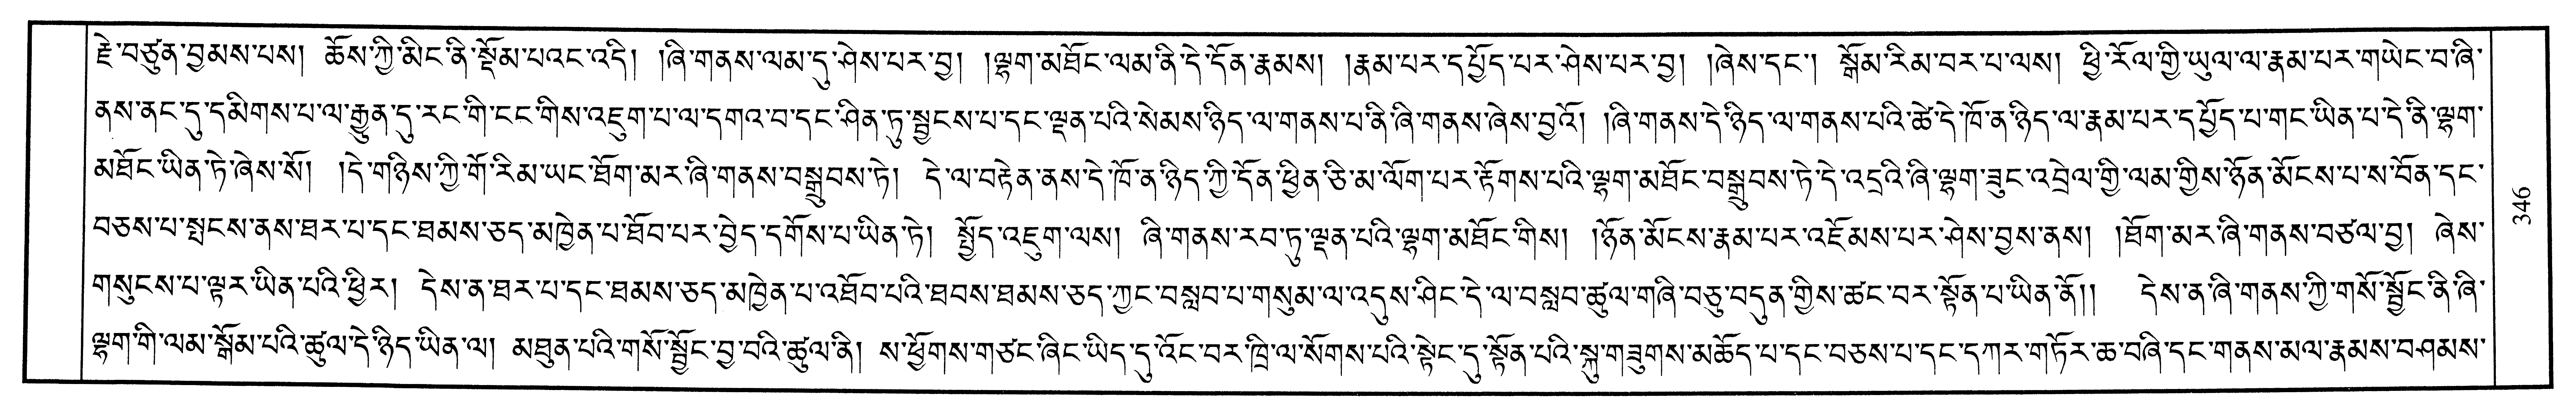རྗེ་བཙུན་བྱམས་པས། ཆོས་ཀྱི་མིང་ནི་སྡོམ་པའང་འདི། །ཞིག་གནས་ལམ་དུ་ཤེས་པར་བྱ། །ལྷག་མཐོང་ལམ་ནི་དེ་དོན་རྣམས། །རྣམ་པར་དཔྱོད་པར་ཤེས་པར་བྱ། །ཞེས་དང་། སྒོམ་རིམ་པར་པ་ལས། ཕྱི་རོལ་གྱི་ཡུལ་ལ་རྣམ་པར་གཡེང་བ་ཞི་
ནས་ནང་དུ་དམིགས་པ་ལ་རྒྱུན་དུ་རང་གི་ངང་གིས་འཇུག་པ་ལ་དགའ་བ་དང་ཤིན་ཏུ་སྦྱངས་པ་དང་ལྡན་པའི་སེམས་ཉིད་ལ་གནས་པ་ནི་ཞི་གནས་ཞེས་བྱའོ། །ཞི་གནས་དེ་ཉིད་ལ་གནས་པའི་ཚེ་དེ་ཁོ་ན་ཉིད་ལ་རྣམ་པར་དཔྱོད་པ་གང་ཡིན་པ་དེ་ནི་ལྷག་
མཐོང་ཡིན་ཏེ་ཞེས་སོ། །དེ་གཉིས་ཀྱི་གོ་རིམ་ཡང་ཐོག་མར་ཞི་གནས་བསྒྲུབས་ཏེ། དེ་ལ་བརྟེན་ནས་དེ་ཁོ་ན་ཉིད་ཀྱི་དོན་ཕྱིན་ཅི་མ་ལོག་པར་རྟོགས་པའི་ལྷག་མཐོང་བསྒྲུབས་ཏེ་དེ་འདྲའི་ཞི་ལྷག་ཟུང་འབྲེལ་གྱི་ལམ་གྱིས་ཉོན་མོངས་པ་ས་བོན་དང་
བཅས་པ་སྤངས་ནས་ཐར་པ་དང་ཐམས་ཅད་མཁྱེན་པ་ཐོབ་པར་བྱེད་དགོས་པ་ཡིན་ཏེ། སྤྱོད་འཇུག་ལས། ཞི་གནས་རབ་ཏུ་ལྡན་པའི་ལྷག་མཐོང་གིས། །ཉོན་མོངས་རྣམ་པར་འཇོམས་པར་ཤེས་བྱས་ནས། །ཐོག་མར་ཞི་གནས་བཙལ་བྱ། ཞེས་
གསུངས་པ་ལྟར་ཡིན་པའི་ཕྱིར། དེས་ན་ཐར་པ་དང་ཐམས་ཅད་མཁྱེན་པ་འཐོབ་པའི་ཐབས་ཐམས་ཅད་ཀྱང་བསླབ་པ་གསུམ་ལ་འདུས་ཤིང་དེ་ལ་བསླབ་ཚུལ་གཞི་བཅུ་བདུན་གྱིས་ཚང་བར་སྟོན་པ་ཡིན་ནོ།། དེས་ན་ཞི་གནས་ཀྱི་གསོ་སྦྱོང་ནི་ཞི་
ལྷག་གི་ལམ་སྒོམ་པའི་ཚུལ་དེ་ཉིད་ཡིན་ལ། མཐུན་པའི་གསོ་སྦྱོང་བྱ་བའི་ཚུལ་ནི། ས་ཕྱོགས་གཙང་ཞིང་ཡིད་དུ་འོང་བར་ཁྲི་ལ་སོགས་པའི་སྟེང་དུ་སྟོན་པའི་སྐུ་གཟུགས་མཆོད་པ་དང་བཅས་པ་དང་དཀར་གཏོར་ཆ་བཞི་དང་གནས་མལ་རྣམས་བཤམས་